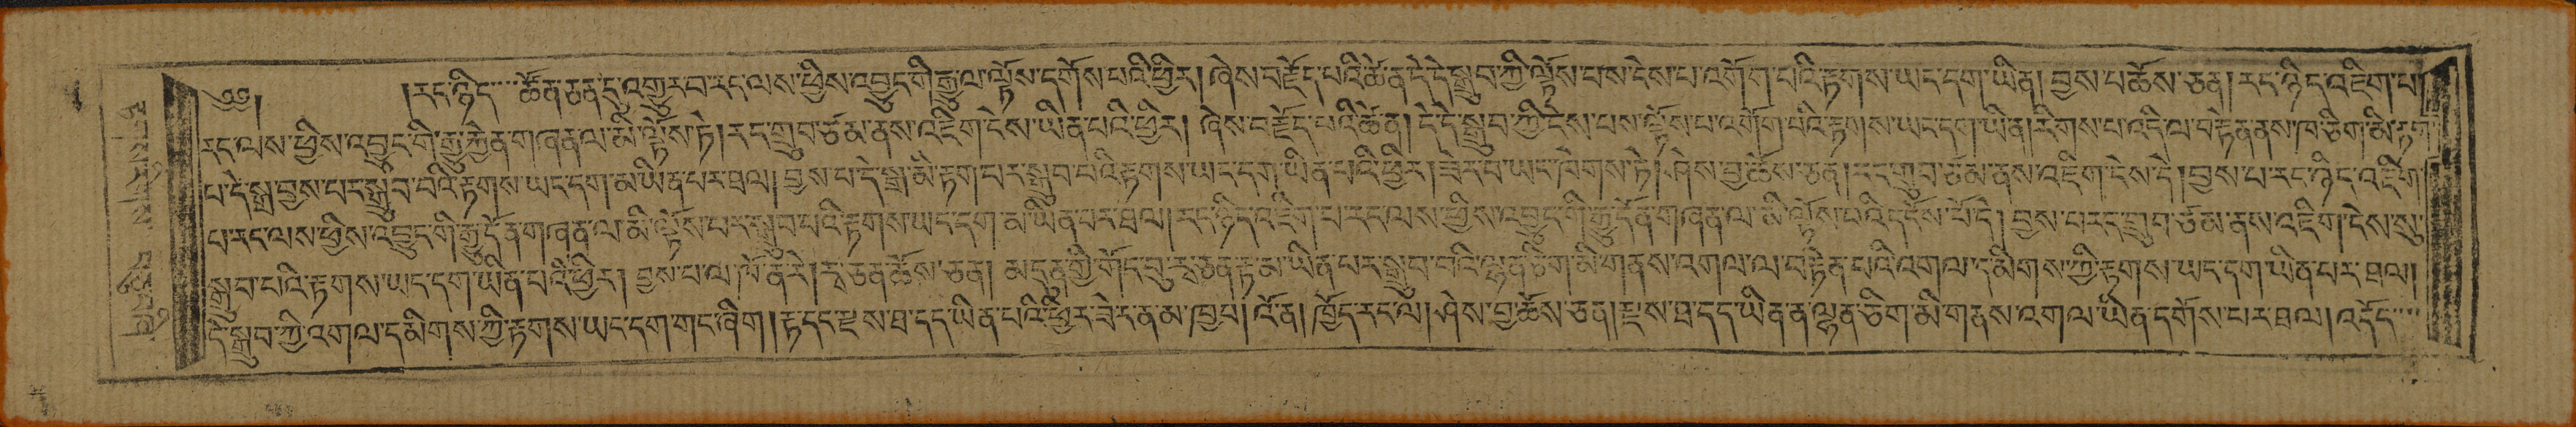༄༅། །རང་ཉིད་ཚོན་ཅན་དུ་འགྱུར་བ་རང་ལས་ཕྱིས་འབྱུང་གི་རྒྱུ་ལ་ལྟོས་དགོས་པའི་ཕྱིར། ཞེས་བརྗོད་པའི་ཚེ་ན་དེ་དེ་སྒྲུབ་ཀྱི་ལྟོས་པས་ངེས་པ་འགོག་པའི་རྟགས་ཡང་དག་ཡིན། བྱས་པ་ཆོས་ཅན། རང་ཉིད་འཇིག་པ་
རང་ལས་ཕྱིས་འབྱུང་གི་རྒྱུ་རྐྱེན་གཞན་ལ་མི་ལྟོས་ཏེ། རང་གྲུབ་ཙམ་ནས་འཇིག་ངེས་ཡིན་པའི་ཕྱིར། ཞེས་བརྗོད་པའི་ཚེ་ན། དེ་དེ་སྒྲུབ་ཀྱི་ངེས་པས་ལྟོས་པ་འགོག་པའི་རྟགས་ཡང་དག་ཡི་ན། རིགས་པ་འདི་ལ་བརྟེན་ནས་ཁ་ཅིག་མི་རྟག་
པ་དེ་སྒྲ་བྱས་པར་སྒྲུབ་པའི་རྟགས་ཡང་དག་མ་ཡིན་པར་ཐལ། བྱས་པ་དེ་སྒྲ་མི་རྟག་པར་སྒྲུབ་པའི་རྟགས་ཡང་དག་ཡིན་པའི་ཕྱིར། ཟེར་བ་ཡང་ཁེགས་ཏེ། ཤེས་བྱ་ཆོས་ཅན། རང་གྲུབ་ཙམ་ནས་འཇིག་ངེས་དེ། བྱས་པ་རང་ཉིད་འཇིག་
པ་རང་ལས་ཕྱིས་འབྱུང་གི་རྒྱུ་དོན་གཞན་ལ་མི་ལྟོས་པར་སྒྲུབ་པའི་རྟགས་ཡང་དག་མ་ཡིན་པར་ཐལ། རང་ཉིད་འཇིག་པ་རང་ལས་ཕྱིས་འབྱུང་གི་རྒྱུ་དོན་གཞན་ལ་མི་ལྟོས་པའི་དངོས་པོ་དེ། བྱས་པར་རང་གྲུབ་ཙམ་ནས་འཇིག་ངེས་སུ་
སྒྲུབ་པའི་རྟགས་ཡང་དག་ཡིན་པའི་ཕྱིར། བྱས་པ་ལ་ཁོ་ན་རེ། རྭ་ཅན་ཆོས་ཅན། མདུན་གྱི་གོང་བུ་རྭ་ཅན་རྟ་མ་ཡིན་པར་སྒྲུབ་བའི་ལྷན་ཅིག་མི་གནས་འགལ་ལ་བརྟེན་པའི་འགལ་དམིགས་ཀྱི་རྟགས་ཡང་དག་ཡིན་པར་ཐལ།
དེ་སྒྲུབ་ཀྱི་འགལ་དམིགས་ཀྱི་རྟགས་ཡང་དག་གང་ཞིག །རྟ་དང་རྫས་ཐ་དད་ཡིན་པའི་ཕྱིར་ཟེར་ན་མ་ཁྱབ། འོ་ན། ཁྱོད་རང་ལ། ཤེས་བྱ་ཆོས་ཅན། རྫས་ཐ་དད་ཡིན་ན་ལྷན་ཅིག་མི་གནས་འགལ་ཡིན་དགོས་པར་ཐལ། འདོད་